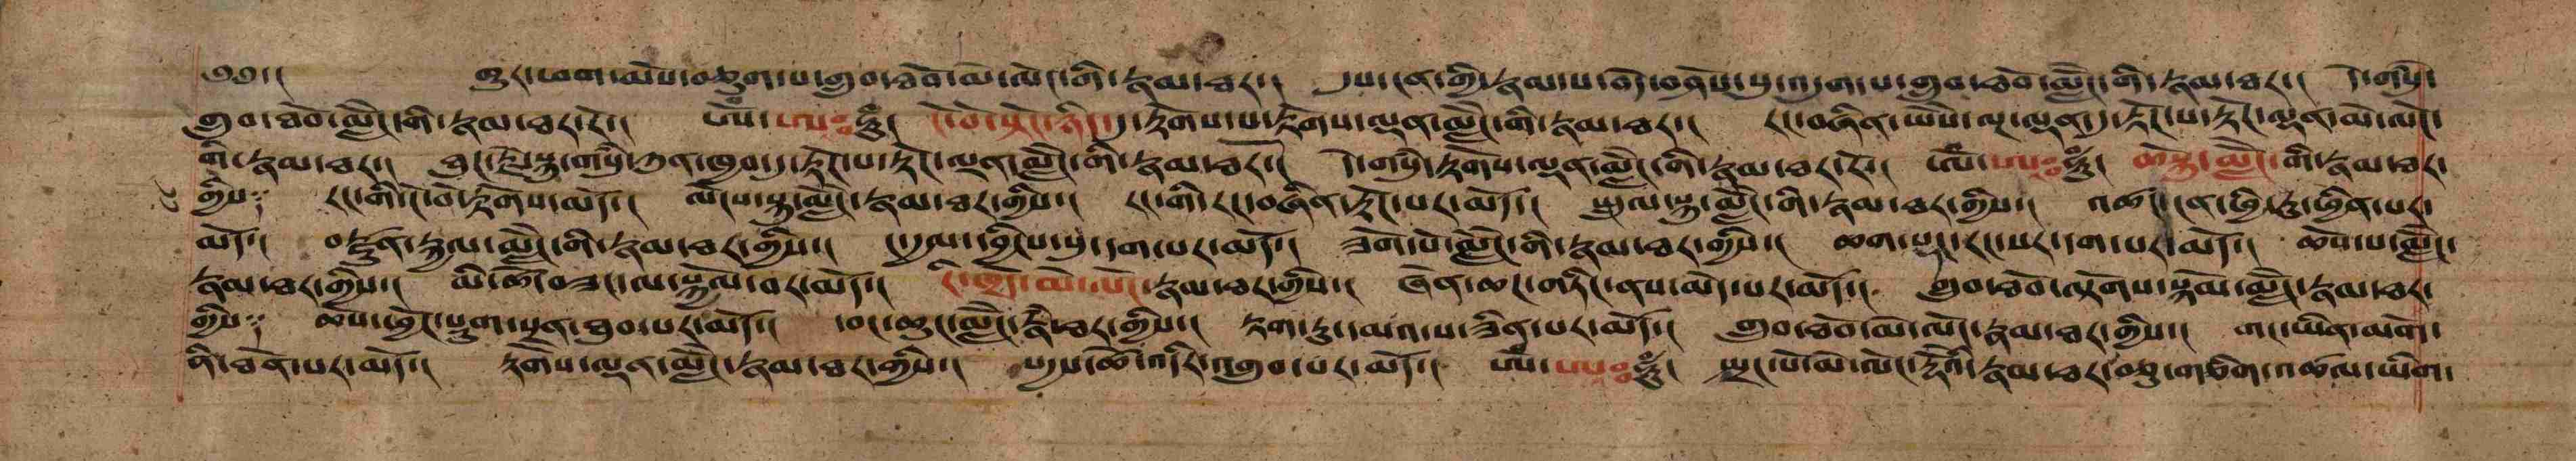ཁྱུར་ཕག་མོས་བཅུག་པ་གྲུབ་ཐོབ་མེ་ལོང་གི་རྣམ་ཐར། དུས་ངན་གྱི་རྣམ་པ་བདོ་བཤོས་སུ་འདུག་པ་གྲུབ་ཐོབ་མེ་ལོང་གི་རྣམ་ཐར། དེ་གསུམ་
གྲུབ་ཐོབ་མེ་ལོང་གི་རྣམ་ཐར་རོ།། ཨོཾ་ཨཱཿཧཱུཾ། ངོ་བོ་སྟོང་ཉིད་དུ་རྟོགས་པ་རྟོགས་ལྡན་མེ་ལོང་གི་རྣམ་ཐར། རང་བཞིན་ཡེ་ཤེས་ལྔ་ལྡན་དུ་རྟོགས་པ་རྟོགས་ལྡན་མེ་ལོང་
གི་རྣམ་ཐར། ཐུགས་རྗེ་སྐུ་གསུམ་ཀུན་ཁྱབ་དུ་རྟོགས་པ་རྟོགས་ལྡན་མེ་ལོང་གི་རྣམ་ཐར། དེ་གསུམ་རྟོགས་ལྡན་མེ་ལོང་གི་རྣམ་ཐར་རོ། ཨོཾ་ཨཱཿཧཱུཾ། ཆོས་སྐུ་མེ་ལོང་གི་རྣམ་ཐར་
གྱིས། རང་གི་ངོ་བོ་རྟོགས་པར་མཛོད། ལོངས་སྐུ་མེ་ལོང་རྣམ་ཐར་གྱིས། རང་གི་རང་བཞིན་རྟོགས་པར་མཛོད། སྤྲུལ་སྐུ་མེ་ལོང་གི་རྣམ་ཐར་གྱིས། འཚང་ངན་ཕྱི་རུ་ཕྱིན་པར་
མཛོད། བརྫུན་རྐྱལ་མེ་ལོང་གི་རྣམ་ཐར་གྱིས། ང་རྒྱལ་དབྱིངས་སུ་དག་པར་མཛོད། ཟོག་པོ་མེ་ལོང་རྣམ་ཐར་གྱིས། ཆགས་སྡང་རང་སར་དག་པར་མཛོད། ཆོས་པ་མེ་ལོང་
རྣམ་ཐར་གྱིས། མི་ཚེ་བཟང་ལ་སྐྱེལ་བར་མཛོད། རི་ཁྲོད་མེ་ལོང་རྣམ་ཐར་གྱིས། ཞེན་ཆགས་གཏིང་ནས་མེད་པར་མཛོད། གྲུབ་ཐོབ་ལྟོགས་སྐོམ་མེ་ལོང་རྣམ་ཐར་
གྱིས། ཆོས་ཕྱོགས་སྡུག་སྲན་ཐུབ་པར་མཛོད། དབང་ཆུང་མེ་ལོང་མེ་ལོང་རྣམ་ཐར་གྱིས། རྟག་ཏུ་དམའ་ས་ཟིན་པར་མཛོད། གྲུབ་ཐོབ་མེ་ལོང་རྣམ་ཐར་གྱིས། གང་ཡིན་མགོ་
ནི་ཐོན་པར་མཛོད། རྟོགས་ལྡན་མེ་ལོང་རྣམ་ཐར་གྱིས། སངས་རྒྱས་ཚེ་འདིར་འགྲུབ་པར་མཛོད། ཨོཾ་ཨཱཿཧཱུཾ། སྤྲང་པོ་མེ་ལོང་རྡོ་རྗེའི་རྣམ་ཐར་བཅུ་གཅིག་འཚལ་ཡིག་